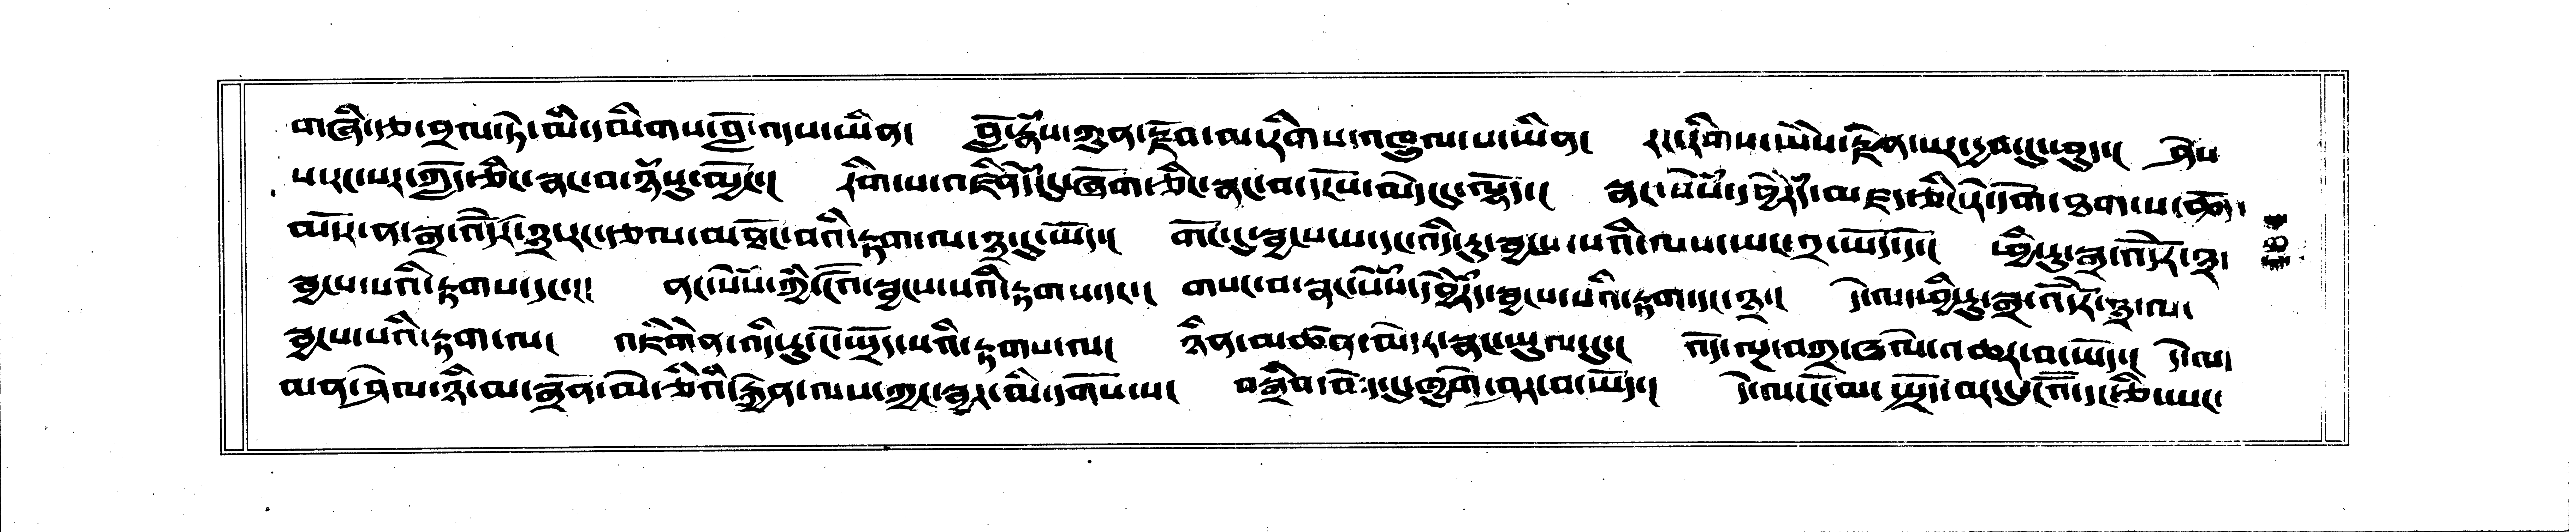གཞི་རྩ་བྲལ་ཏེ་མི་དམིགས་བློ་འདས་ཡིན། བློ་རྣམས་ཀུན་རྫོབ་མ་རིག་འཁྲུལ་པ་ཡིན། རང་རིག་ཡེ་ཤེས་རྗེན་པར་རྒྱབ་ཏུ་ཕུད། ཤེས་
རང་སར་ཀློད་ཅིང་སྣང་བ་ཉམས་སུ་མྱོང་། རིག་པ་འཛིན་མེད་དུ་ཞོག་ཅིག སྣང་བ་དངོས་མེད་དུ་ཀློད། སྣང་སེམས་དབྱེར་མེད་དུ་མཛོད་ཅིག རེ་དོག་ཐག་པ་ཆོད།
 མདོར་ན་སྒྲ་འོད་ཟེར་གསུམ་རང་རྩལ་སྦྱང་པའི་རྟགས་ལ་གསུམ་དུ་ཡོད། དེ་ལ་ཡང་བློ་རབ་འབྲིང་ཐ་གསུམ་ཀྱང་ཡོད། གོང་དུ་སྦྱངས་པ་དང་འདི་རུ་སྦྱངས་པ་ལ་ཡང་གཉིས་སུ་ཡོད་དོ། ཕྱི་རུ་སྒྲ་འོད་ཟེར་གསུམ་ལ་
སྦྱངས་པའི་རྟགས་དང། ནང་སེམས་ཀྱིས་ངོའོ་སྦྱངས་པའི་རྟགས་དང། གསང་བ་སྣང་སེམས་དབྱེར་མེད་དུ་སྦྱངས་པའི་རྟགས་དང་གསུམ་མོ། དེ་ལ་ཕྱི་རུ་སྒྲ་འོད་ཟེར་གསུམ་ལ་
སྦྱངས་པའི་རྟགས་ལ། འཇིག་རྟེན་འདི་རུ་ངོས་སྤྲད་པ་ལ། ཉིན་མཚན་མེད་པར་སྣང་ཡུལ་དུ། འོད་ལྔ་བཀྲ་ཝལ་ལེ་འཆར་བ་ཡོད་དོ། དེ་ལ་
མེ་ཤེལ་ཉི་མ་སྒྲོན་མེ་ཅིའི་རྐྱེན་ལས་ཀྱང་སྦྱར་མི་དགོས་པར། སྒྲིབ་མེད་དུ་ཁྱུག་གེ་ཤར་བ་ཡོད། དེ་ལ་ངོས་མ་སྤྲད་བར་དུ་ང་འོ་དང་ཅི་